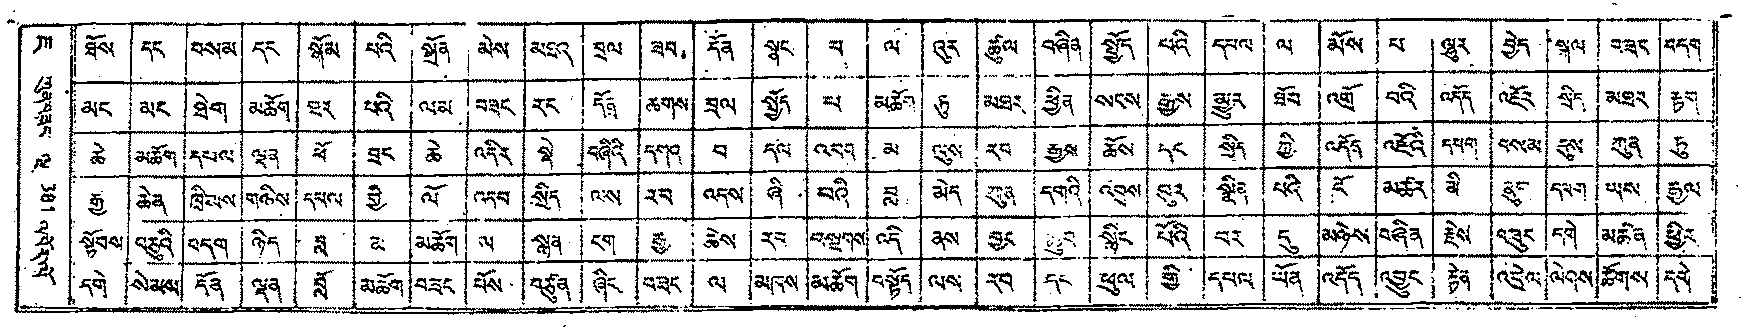༄༅། །ཐོས་དང་བསམ་དང་སྒོམ་པའི་སྒྲོན་མེས་མཐའ་བྲལ་ཟབ་དོན་སྣང་བ་ལ་འུར་ཚུལ་བཞིན་སྤྱོད་པའི་དཔལ་ལ་མོས་པ་ལྷུར་བྱེད་སྐལ་བཟང་བདག་
མང་མང་ཐེག་མཆོག་ཐར་པའི་ལམ་བཟང་རང་དོན་ཆགས་བྲལ་སྤྱོད་པ་མཆོག་ཏུ་མཐར་ཕྱིན་སངས་རྒྱས་མྱུར་ཐོབ་འགྲོ་བའི་འདོད་འཇོར་སྲིད་མཐར་རྟག་
ཆེ་མཆོག་དཔལ་ལྡན་ཕོ་བྲང་ཆེ་འདིར་སྡེ་བཞིའི་དགའ་བ་དལ་འབབ་མ་ལུས་རབ་རྒྱས་ཆོས་དང་སྲིད་ཀྱི་འདོད་འཇོའི་དཔག་བསམ་དུས་ཀུན་ཏུ་
རྒྱ་ཆེན་ཁྲིམས་གཉིས་དཔལ་གྱི་ལོ་འདབ་སྲིད་ལས་རབ་འདས་ཞི་བའི་བླ་མེད་ཀུན་དགའི་འབྲས་བུར་སྨིན་པའི་ངོ་མཚར་མི་ནུབ་དཔག་ཡས་རྒྱལ་
སྟོབས་བཅུའི་བདག་ཉིད་བླ་མ་མཆོག་ལ་སྙན་ངག་རྒྱ་ཆེས་རབ་བསྔགས་འདི་ནས་བྱང་ཆུབ་སྙིང་པོའི་བར་དུ་མཉེས་བཞིན་རྗེས་བཟུང་དགེ་མཚན་ཕྱིར་
དགེ་སེམས་དོན་ལྡན་བློ་མཆོག་བཟང་པོས་བཙུན་ཞིང་བཟང་ལ་མཁས་མཆོག་བསྟོད་ལས་རབ་དང་ཕུལ་གྱི་དཔལ་ཡོན་འདོད་འབྱུང་རྟེན་འབྲེལ་ལེགས་ཚོགས་དགེ་